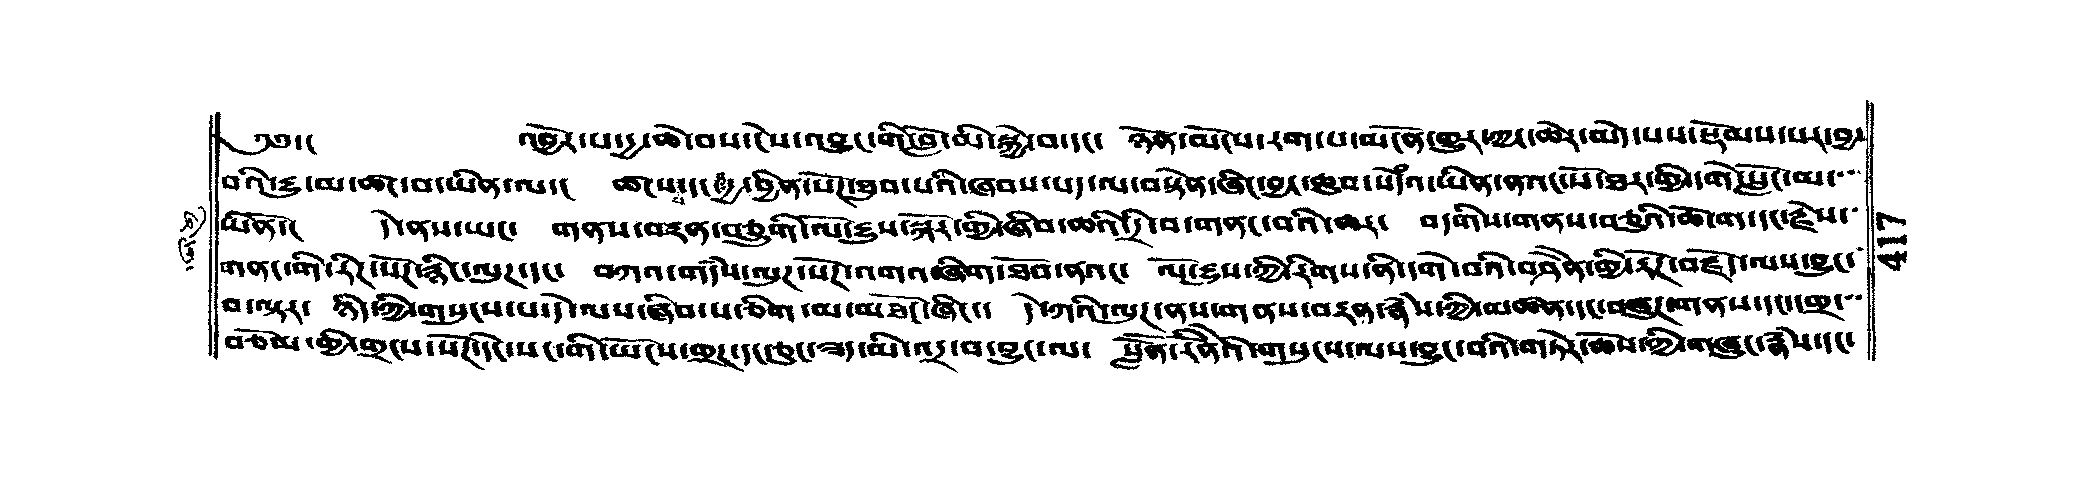འབྱོར་པ་རྒྱ་ཆེ་བས་ངེས་འབྱུང་གི་བློ་མི་སྐྱེ་བ་དང་། ཉོན་མོངས་རགས་པ་མངོན་གྱུར་ཀྱང་ཆེར་མེད་པས་སྡོམ་པར་བྱ་
བའི་རྒྱུ་མ་ཚང་བ་ཡིན་ལ། ཚངས་པ་དང་བརྒྱ་བྱིན་སོགས་ཐུབ་པའི་ཞབས་པད་ལ་བསྟེན་ཞིང་བྱང་ཆུབ་སེམས་དཔའ་ཡིན་ནའང་སོ་ཐར་གྱི་དགེ་སློང་མ་
ཡིན་ནོ། དེ་ནས་ཡང་། གནས་བརྟན་བཅུ་དྲུག་གི་ལོ་རྒྱུས་སྐོར་གྱི་ཞིབ་ཆའི་དྲི་བ་གནང་བའི་ཆར། བདག་གིས་གནས་བཅུའི་ཆོ་ག་དང་རྗེས་
གནང་གི་རིགས་སོགས་རྙིང་ལུགས་དང་། བཀའ་གདམས་ལུགས་སོགས་འགའ་ཞིག་ཐོབ་ནའང་། ལོ་རྒྱུས་ཀྱི་རིགས་ནི་དགེ་བའི་བཤེས་གཉེན་གྱི་རྟོགས་བརྗོད་ལས་བྱུང་
བ་ལྟར། ཉིད་ཀྱི་གསུངས་པ་དེ་ལས་ཞིབ་པ་གཅིག་མ་མཐོང་ཞིང་། དེ་ཀའི་ལུགས་ནས་གནས་བརྟན་རྣམས་ཀྱི་མཚན་དང་བཞུགས་གནས་དང་དགྲ་
བཅོམ་གྱི་གྲངས་སོགས་དེང་སང་གི་ཡོངས་གྲགས་དང་ཅུང་ཟད་མི་འདྲ་བ་བྱུང་ལ། སློབ་དཔོན་རིན་པོ་ཆེའི་གསུང་ལས་བྱུང་བའི་གཏེར་ཆོས་ཀྱི་གཞུང་རྣམས་དང་།